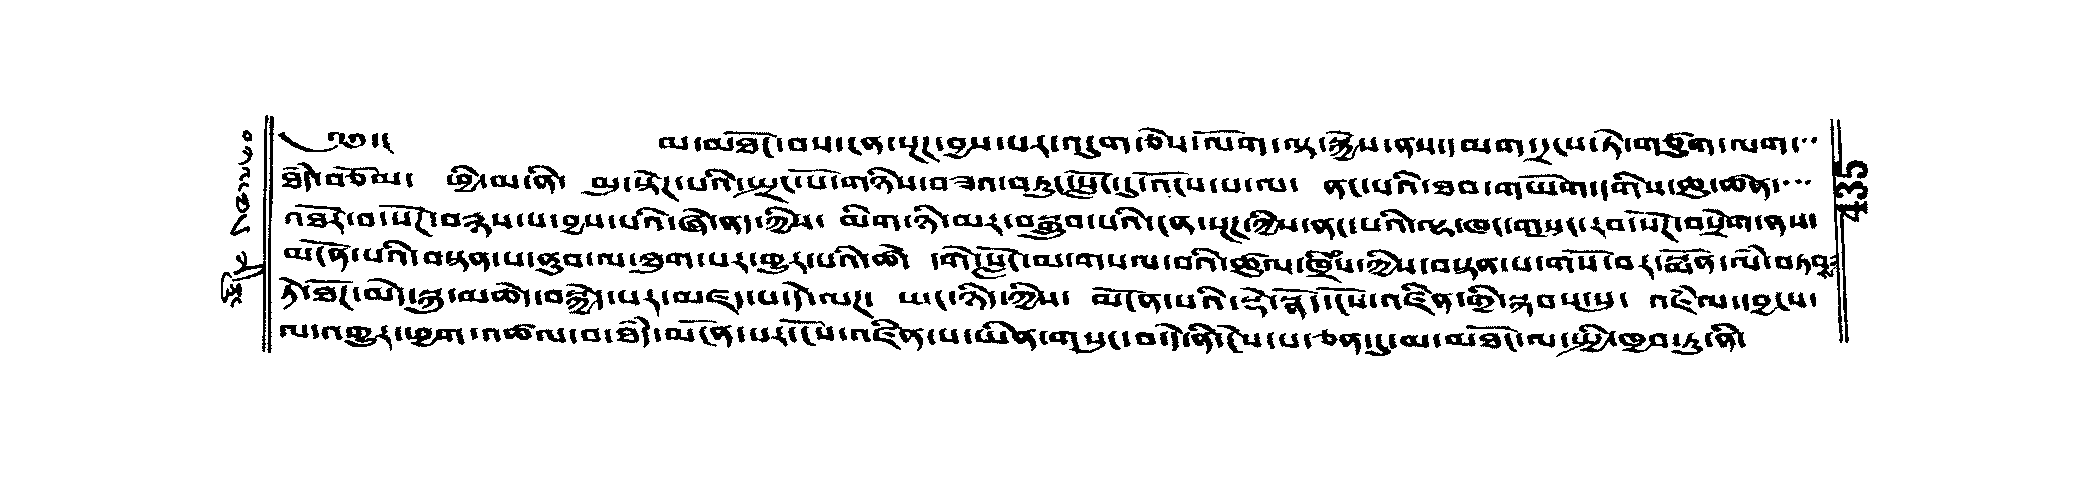མ་མཐོང་བས་ངན་སྔགས་བྱས་པར་འདུག་ཅེས་ལོག་ལྟ་སྐྱེས་ནས་དམག་དྲངས་ཏེ་གཙུག་ལག་
ཐམས་ཅད་བཅོམ། ཕྱི་མ་ནི། མུ་སྟེགས་པའི་སྤྲང་པོ་གཉིས་བཟའ་བཏུང་སློང་དུ་འོངས་པ་ལ། ནང་པའི་ཐབ་གཡོག་དག་གིས་ཆུ་ཚན་
འཐོར་བ་སོགས་བརྙས་པ་བྱས་པའི་ཞེ་ནད་ཀྱིས། མིག་ཉི་མར་བསྒྲུབ་པའི་ངན་སྔགས་ཀྱིས་ནང་པའི་ལྷ་ཁང་གསུང་རབ་སོགས་བསྲེགས་ནས་
མངོན་པའི་བསྟན་པ་ནུབ་ལ་ཐུག་པར་གྱུར་པའི་ཚེ། དགེ་སློང་མ་གསལ་བའི་ཚུལ་ཁྲིམས་ཀྱིས་བསྟན་པ་གསོ་བར་སྨོན་ལམ་བཏབ་
སྟེ་ཐོགས་མེད་སྐུ་མཆེད་བསྐྱེད་པར་མཛད་པ་དེ་ལགས། ཡང་ཉིད་ཀྱིས། མངོན་པར་སྡེ་སྣོད་ངོས་འཛིན་གྱི་སྐབས་སུ། འཇམ་དཔལ་དབྱངས་
ལ་འགྱུར་ཕྱག་འཚལ་བ་ཐམས་ཅད་མངོན་པར་ངོས་འཛིན་པ་ཡིན་གསུང་བ་དེ་ནི་ངེས་པ་ཅན་དུ་མ་མཐོང་ལ་སྤྱི་ཁྱབ་ཏུ་ནི་